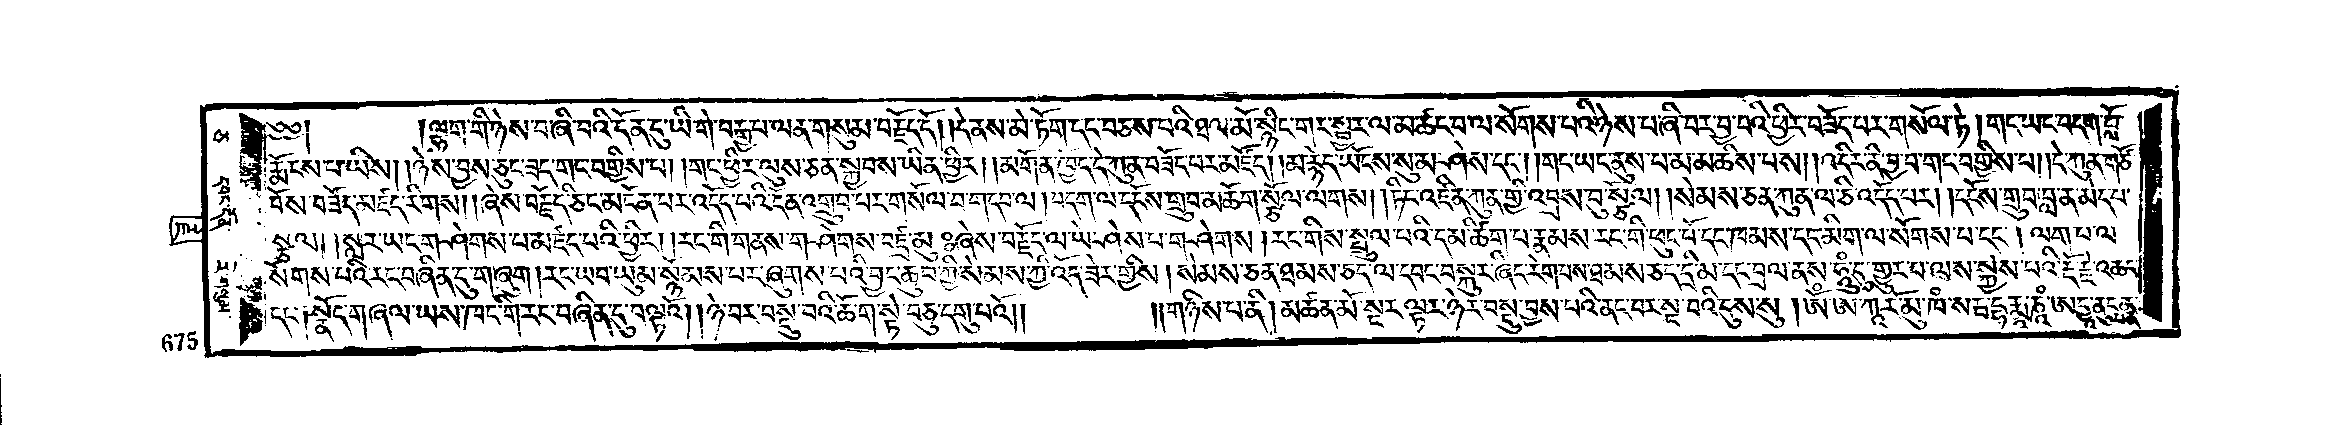༄༅། །ལྷག་གི་ཉེས་བ་ཞི་བའི་དོན་དུ་ཡི་གེ་བརྒྱ་པ་ལན་གསུམ་བརྗོད་དོ། །དེ་ནས་མེ་ཏོག་དང་བཅས་པའི་ཐལ་མོ་སྙིང་གར་སྦྱར་ལ་མ་ཚང་བ་ལ་སོགས་པའི་ཉེས་པ་ཞི་བར་བྱ་བའི་ཕྱིར་བཟོད་པར་གསོལ་ཏེ། གང་ཡང་བདག་བློ་
རྨོངས་པ་ཡིས། །ཉེས་བྱས་ཅུང་ཟད་གང་བགྱིས་པ། །གང་ཕྱིར་ལུས་ཅན་སྐྱབས་ཡིན་ཕྱིར། །མགོན་ཁྱོད་དེ་ཀུན་བཟོད་པར་མཛོད། །མ་རྙེད་ཡོངས་སུ་མ་ཤེས་དང་། །གང་ཡང་ནུས་པ་མ་མཆིས་པས། །འདིར་ནི་བྱ་བ་གང་བགྱིས་པ། །དེ་ཀུན་གཙོ་
བོས་བཟོད་མཛད་རིགས། །ཞེས་བརྗོད་ཅིང་མངོན་པར་འདོད་པའི་དོན་འགྲུབ་པར་གསོལ་བ་གདབ་ལ། བདག་ལ་དངོས་གྲུབ་མཆོག་སྩོལ་ལགས། །ཏིང་འཛིན་ཀུན་གྱི་འབྲས་བུ་སྩོལ། །སེམས་ཅན་ཀུན་ལ་ཅི་འདོད་པར། །དངོས་གྲུབ་བླ་ན་མེད་པ་
སྩལ། །སླར་ཡང་གཤེགས་པ་མཛད་པའི་ཕྱིར། །རང་གི་གནས་གཤེགས་བཛྲ་མུཿ ཞེས་བརྗོད་ལ་ཡེ་ཤེས་པ་གཤེགས། རང་གིས་སྤྲུལ་པའི་དམ་ཚིག་པ་རྣམས་རང་གི་ཕུང་པོ་དང་ཁམས་དང་མིག་ལ་སོགས་པ་དང་། ལག་པ་ལ་
སོགས་པའི་རང་བཞིན་དུ་གཞུག །རང་ཡབ་ཡུམ་སྙོམས་པར་ཞུགས་པའི་བྱང་ཆུབ་ཀྱི་སེམས་ཀྱི་འོད་ཟེར་གྱིས། སེམས་ཅན་ཐམས་ཅད་ལ་དབང་བསྐུར་ཞིང་རེག་པས་ཐམས་ཅད་དྲི་མ་དང་བྲལ་ནས་ཧཱུཾ་དུ་གྱུར་པ་ལས་སྐྱེས་པའི་རྡོ་རྗེ་འཆང་
དང་། སྣོད་གཞལ་ཡས་ཁང་གི་རང་བཞིན་དུ་བལྟའོ། །ཉེ་བར་བསྡུ་བའི་ཆོ་ག་སྟེ་བཅུ་དགུ་པའོ།། །།གཉིས་པ་ནི། མཚན་མོ་སྔར་ལྟར་ཉེར་བསྡུ་བྱས་པའི་ནང་བར་སྔ་བའི་དུས་སུ། ཨོཾ་ཨ་ཀཱ་རོ་མུ་ཁཾ་སརྦ་དྷརྨཱ་ཎཱཾ་ཨདྱཱ་ནུདཔནྣ་